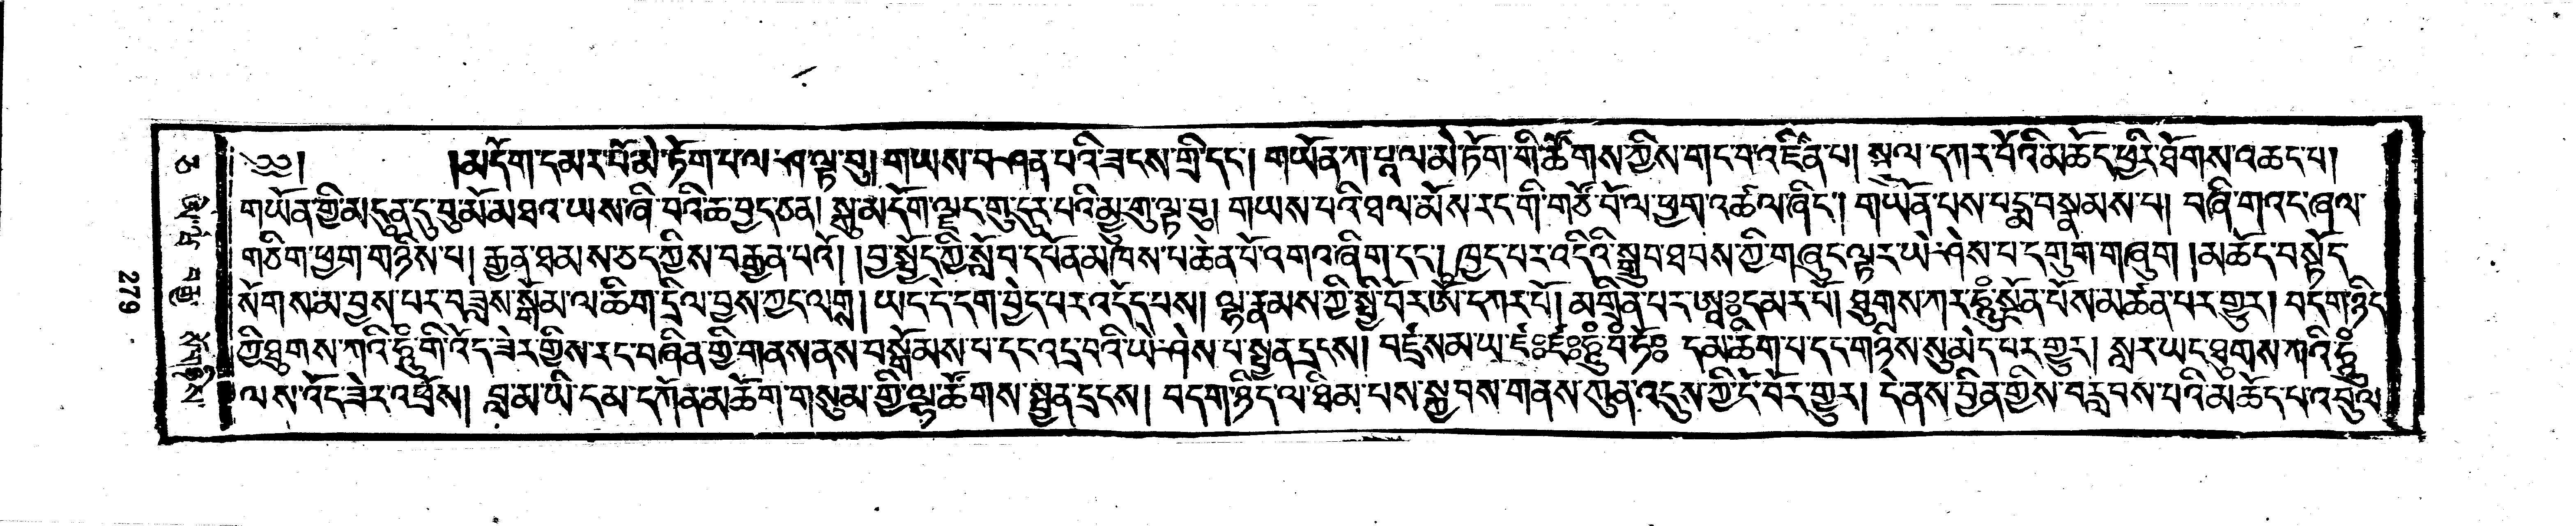༄༅། །མདོག་དམར་པོ་མེ་ཏོག་པ་ལ་ཤ་ལྟ་བུ། གཡས་བཤན་པའི་ཟངས་གྲི་དང་། གཡོན་ཀ་པཱ་ལ་མེ་ཏོག་གི་ཚོགས་ཀྱིས་གང་བ་འཛིན་པ། སྦྲུལ་དཀར་པོའི་མཆོད་ཕྱིར་ཐོགས་འཆང་བ།
གཡོན་གྱི་མདུན་དུ་བུ་མོ་མཐའ་ཡས་ཞི་བའི་ཆ་བྱད་ཅན། སྐུ་མདོག་ལྗང་གུ་དུར་པའི་མྱུ་གུ་ལྟ་བུ། གཡས་པའི་ཐལ་མོས་རང་གི་གཙོ་བོ་ལ་ཕྱག་འཚལ་ཞིང་། གཡོན་པས་པདམ་བསྣམས་པ། བཞི་གའང་ཞལ་
གཅིག་ཕྱག་གཉིས་པ། རྒྱན་ཐམས་ཅད་ཀྱིས་བརྒྱན་པའོ། །བྱ་སྤྱོད་ཀྱི་སློབ་དཔོན་མཁས་པ་ཆེན་པོ་འགའ་ཞིག་དང་། ཁྱད་པར་འདིའི་སྒྲུབ་ཐབས་ཀྱི་གཞུང་ལྟར་ཡེ་ཤེས་དགུག་གཞུག །མཆོད་བསྟོད་
སོགས་མ་བྱས་པར་བཟླས་སྒོམ་ལ་ཆིག་དྲིལ་བྱས་ཀྱང་ལགས། ཡང་དེ་དག་བྱེད་པར་འདོད་པས། ལྷ་རྣམས་ཀྱི་སྤྱི་བོར་ཨོཾ་དཀར་པོ། མགྲིན་པར་ཨཱཿ དམར་པོ། ཐུགས་ཀར་ཧཱུཾ་སྔོན་པོས་མཚན་པར་གྱུར། བདག་ཉིད་
ཀྱི་ཐུགས་ཀའི་ཧཱུཾ་གིས་འོད་ཟེར་གྱིས་རང་བཞིན་གྱི་གནས་ནས་བསྒོམས་པ་དང་འདྲ་བའི་ཡེ་ཤེས་པ་སྤྱན་དྲངས། བཛྲ་ས་མ་ཡ་ཛཿ ཛཿ ཧཱུཾ་བཾ་ཧོཿ དམ་ཚིག་པ་དང་གཉིས་སུ་མེད་པར་གྱུར། སླར་ཡང་ཐུགས་ཀའི་ཧཱུཾ་
ལས་འོད་ཟེར་འཕྲོས། བླ་མ་ཡི་དམ་དཀོན་མཆོག་གསུམ་གྱི་ལྷ་ཚོགས་སྤྱན་དྲངས། བདག་ཉིད་ལ་ཐིམ་པས་སྐྱབས་གནས་ཀུན་འདུས་ཀྱི་ངོ་བོར་གྱུར། དེ་ནས་བྱིན་གྱིས་བརླབས་པའི་མཆོད་པ་འབུལ་